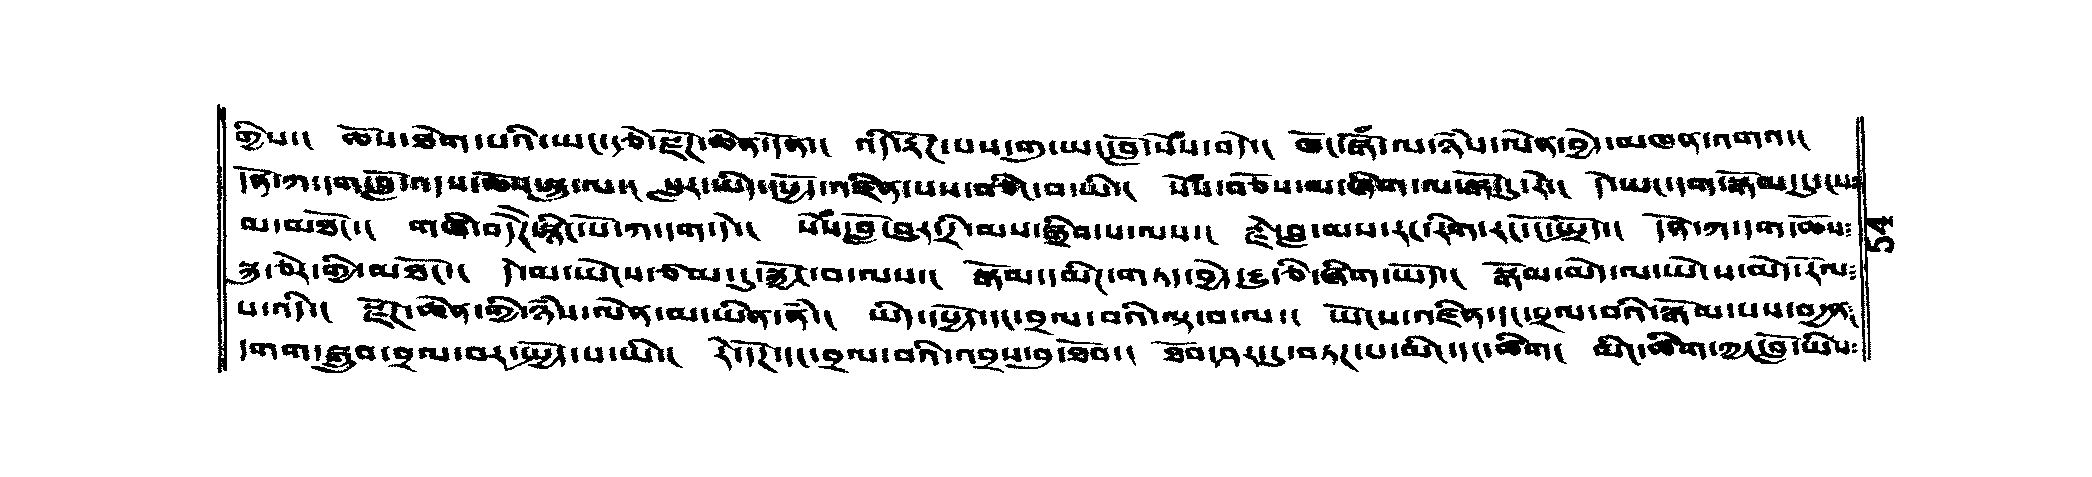གྱིས། །ཆོས་ཐེག་པའི་ཡངས་རྩེ་རྫོགས་ཆེན་དོན། །འདི་རྟོགས་པས་གུ་ཡང་བློ་སེམས་བདེ། །ཁོང་སྒོམ་ལ་ཉམས་ལེན་བྱེད་མཁན་འགའ། །
དོན་ཀ་དག་བློ་འདས་ཆོས་སྐུ་ལ། །སླར་ཡིད་དཔྱོད་འཛིན་པས་བཅིངས་བ་ཡི། །སེམས་བཅོས་མ་ཞིག་ལ་སྒོམ་དུ་རེ། །དེ་ཡང་དག་བསྒོམ་དུས་ངས་
མ་མཐོང་། །གཞི་བདེ་བཤེགས་སྙིང་པོ་ཀ་དག་དེ། །སེམས་བློ་བུར་དྲི་མས་བསྒྲིབས་པ་ལས། །རྗེ་བླ་མས་རང་རིག་རང་ངོ་སྤྲོད། །དོན་ཀ་དག་ཆོས་
སྐུ་ཅེར་གྱི་མཐོང་། །དེ་མ་ཡེངས་ཙམ་དུ་སྐྱོང་བ་ལས། །སྒོམ་དམིགས་གཏད་བྱེད་རྒྱུ་ཅི་ཞིག་ཡོད། །སྒོམ་མེད་ལ་ཡེངས་མེད་རོལ་
པ་འདི། །རྫོགས་ཆེན་གྱི་ཉམས་ལེན་མ་ཡིན་ནམ། །ཡིད་དཔྱོད་དང་བྲལ་བའི་ལྟ་བ་ལ། །ཡོངས་འཛིན་དང་བྲལ་བའི་སྒོམ་པས་བརྒྱན། །
དགག་སྒྲུབ་བྲལ་བར་སྤྱོད་པ་ཡི། །རེ་དོགས་དང་བྲལ་བའི་འབྲས་བུ་ཐོབ། །ཐོབ་ཤོར་དུ་བཏགས་པ་མིང་དང་ཚིག།མིང་ཚིག་ཀྱང་བློ་ཡིས་